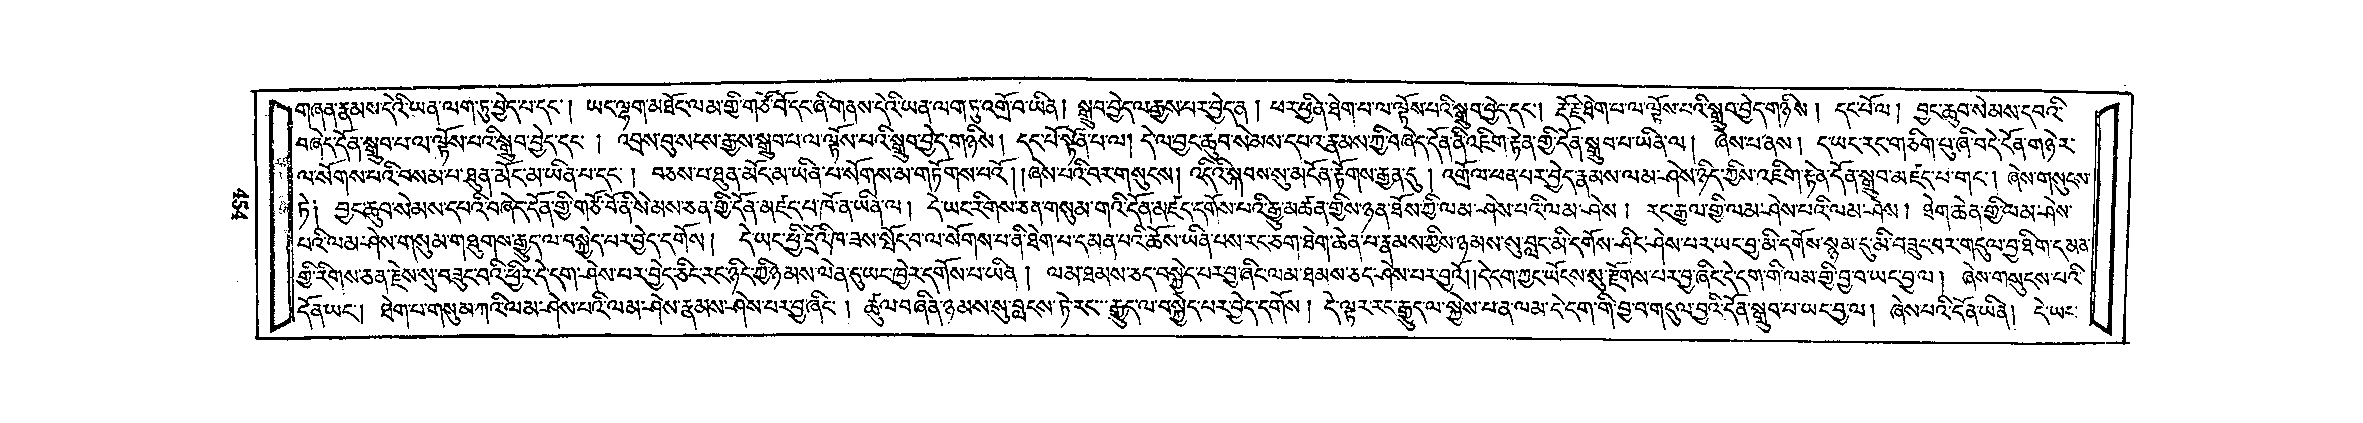གཞན་རྣམས་དེའི་ཡན་ལག་ཏུ་བྱེད་པ་དང་། ཡང་ལྷག་མཐོང་ལམ་གྱི་གཙོ་བོ་དང་ཞི་གནས་དེའི་ཡན་ལག་ཏུ་འགྲོ་བ་ཡིན། སྒྲུབ་བྱེད་ལ་རྒྱས་པར་བྱེད་ན། ཕར་ཕྱིན་ཐེག་པ་ལ་ལྟོས་པའི་སྒྲུབ་བྱེད་དང་། རྡོ་རྗེ་ཐེག་པ་ལ་ལྟོས་པའི་སྒྲུབ་བྱེད་གཉིས། དང་པོ་ལ། བྱང་ཆུབ་སེམས་དཔའི་
བཞེད་དོན་སྒྲུབ་པ་ལ་ལྟོས་པའི་སྒྲུབ་བྱེད་དང་། འབྲས་བུ་སངས་རྒྱས་སྒྲུབ་པ་ལ་ལྟོས་པའི་སྒྲུབ་བྱེད་གཉིས། དང་པོ་སྟོན་པ་ལ། དེ་ལ་བྱང་ཆུབ་སེམས་དཔའ་རྣམས་ཀྱི་བཞེད་དོན་ནི་འཇིག་རྟེན་གྱི་དོན་སྒྲུབ་པ་ཡིན་ལ། ཞེས་པ་ནས། ད་ཡང་རང་གཅིག་པུ་ཞི་བདེ་དོན་གཉེར་
ལ་སོགས་པའི་བསམ་པ་ཐུན་མོང་མ་ཡིན་པ་དང་། བཅས་པ་ཐུན་མོང་མ་ཡིན་པ་སོགས་མ་གཏོགས་པའོ། །ཞེས་པའི་བར་གསུངས། འདིའི་སྐབས་སུ་མངོན་རྟོགས་རྒྱན་དུ། འགྲོ་ལ་ཕན་པར་བྱེད་རྣམས་ལམ་ཤེས་ཉིད་ཀྱིས་འཇིག་རྟེན་དོན་སྒྲུབ་མཛད་པ་གང་། ཞེས་གསུངས་
ཏེ། བྱང་ཆུབ་སེམས་དཔའི་བཞེད་དོན་གྱི་གཙོ་བོ་ནི་སེམས་ཅན་གྱི་དོན་མཛད་པ་ཁོ་ན་ཡིན་ལ། དེ་ཡང་རིགས་ཅན་གསུམ་གའི་དོན་མཛད་དགོས་པའི་རྒྱུ་མཚན་གྱིས་ཉན་ཐོས་ཀྱི་ལམ་ཤེས་པའི་ལམ་ཤེས། རང་རྒྱལ་གྱི་ལམ་ཤེས་པའི་ལམ་ཤེས། ཐེག་ཆེན་གྱི་ལམ་ཤེས་
པའི་ལམ་ཤེས་གསུམ་ག་ཐུགས་རྒྱུད་ལ་བསྐྱེད་པར་བྱེད་དགོས། དེ་ཡང་ཕྱི་དྲོའི་ཁ་ཟས་སྤོང་བ་ལ་སོགས་པ་ནི་ཐེག་པ་དམན་པའི་ཆོས་ཡིན་པས་རང་ཅག་ཐེག་ཆེན་པ་རྣམས་ཀྱིས་ཉམས་སུ་བླང་མི་དགོས་ཤིང་ཤེས་པར་ཡང་བྱ་མི་དགོས་སྙམ་དུ་མི་བཟུང་བར་གདུལ་བྱ་ཐིག་དམན་
གྱི་རིགས་ཅན་རྗེས་སུ་བཟུང་བའི་ཕྱིར་དེ་དག་ཤེས་པར་བྱེད་ཅིང་རང་ཉིད་ཀྱི་ཉམས་ལེན་དུ་ཡང་ཁྱེར་དགོས་པ་ཡིན། ལམ་ཐམས་ཅད་བསྐྱེད་པར་བྱ་ཞིང་ལམ་ཐམས་ཅད་ཤེས་པར་བྱའོ། །དེ་དག་ཀྱང་ཡོངས་སུ་རྫོགས་པར་བྱ་ཞིང་དེ་དག་གི་ལམ་གྱི་བྱ་བ་ཡང་བྱ་ལ། ཞེས་གསུངས་པའི་
དོན་ཡང་། ཐེག་པ་གསུམ་ཀའི་ལམ་ཤེས་པའི་ལམ་ཤེས་རྣམས་ཤེས་པར་བྱ་ཞིང་། ཚུལ་བཞིན་ཉམས་སུ་བླངས་ཏེ་རང་རྒྱུད་ལ་བསྐྱེད་པར་བྱེད་དགོས། དེ་ལྟར་རང་རྒྱུད་ལ་སྐྱེས་པ་ན་ལམ་དེ་དག་གི་བྱ་བ་གདུལ་བྱའི་དོན་སྒྲུབ་པ་ཡང་བྱ་ལ། ཞེས་པའི་དོན་ཡིན། དེ་ཡང་